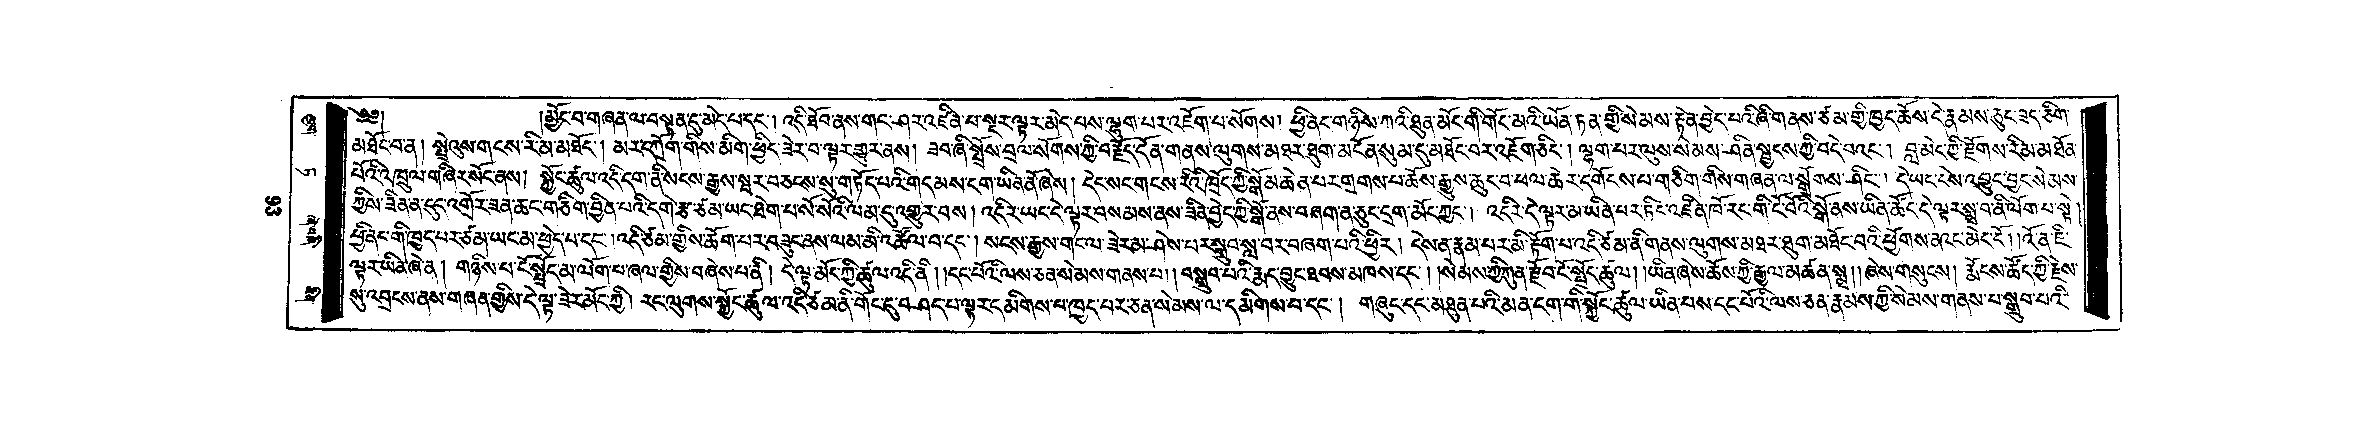༄༅། །མྱོང་བ་གཞན་ལ་བསྟན་དུ་མེད་པ་དང་། འདི་ཐོབ་ནས་གང་ཤར་འཛིན་པ་སྔར་ལྟར་མེད་པས་ལྷུག་པར་འཇོག་པ་སོགས། ཕྱི་ནང་གཉིས་ཀའི་ཐུན་མོང་གི་གོང་མའི་ཡོན་ཏན་གྱི་སེམས་རྟེན་བྱེད་པའི་ཞི་གནས་ཙམ་གྱི་ཁྱད་ཆོས་དེ་རྣམས་ཅུང་ཟད་ཅིག་
མཐོང་བ་ན། སྤྲེའུས་གངས་རི་མ་མཐོང་། མར་དཀྲོག་གིས་མིག་ཕྱིད་ཟེར་བ་ལྟར་གྱུར་ནས། ཟབ་ཞི་སྤྲོས་བྲལ་སོགས་ཀྱི་བརྗོད་དོན་གནས་ལུགས་མཐར་ཐུག་མངོན་སུམ་དུ་མཐོང་བར་འཇོག་ཅིང་། ལྷག་པར་ལུས་སེམས་ཤིན་སྦྱངས་ཀྱི་བདེ་བའང་། བླ་མེད་ཀྱི་རྫོགས་རིམ་མཐོན་
པོའི་འཁྲུལ་གཞིར་སོང་ནས། སྐྱོང་ཚུལ་འདི་དག་ནི་སངས་རྒྱས་སྦར་བཅངས་སུ་གཏོད་པའི་གདམས་ངག་ཡིན་ནོ་ཞེས། དེང་སང་གངས་རིའི་ཁྲོད་ཀྱི་སྒོམ་ཆེན་པར་གྲགས་པ་ཆོས་རྒྱུས་ཆུང་བ་ཕལ་ཆེར་དགོངས་པ་གཅིག་གིས་གཞན་ལ་སྒྲོགས་ཤིང་། དེ་ཡང་ངེས་འབྱུང་བྱང་སེམས་
ཀྱིས་ཟིན་ན་དུད་འགྲོར་ཟན་ཆང་གཅིག་བྱིན་པའི་དགེ་རྩ་ཙམ་ཡང་ཐེག་པ་སོ་སོའི་ལམ་དུ་འགྱུར་བས། འདིར་ཡང་དེ་ལྟར་བསམས་ནས་ཟིན་བྱེད་ཀྱི་སྒོ་ནས་བཞག་ན་ཅུང་དྲག་མོད་ཀྱང་། འདིར་དེ་ལྟར་མ་ཡིན་པར་ཏིང་འཛིན་ཁོ་རང་གི་ངོ་བོའི་སྒོ་ནས་ཡིན་ཚོད་དེ་ལྟར་སྨྲ་བ་ནི་ལོག་པ་སྟེ།
ཕྱི་ནང་གི་ཁྱད་པར་ཙམ་ཡང་མ་ཕྱེད་པ་དང་། འདི་ཙམ་གྱིས་ཆོག་པར་བཟུང་ནས་ལམ་མི་འཚོལ་བ་དང་། སངས་རྒྱས་གང་ལ་ཟེར་མ་ཤེས་པར་སྒྲུབ་སླ་བར་བཞག་པའི་ཕྱིར། དེས་ན་རྣམ་པར་མི་རྟོག་པ་འདི་ཙམ་ནི་གནས་ལུགས་མཐར་ཐུག་མཐོང་བའི་ཕྱོགས་ནའང་མེད་དོ། །འོ་ན་ཇི་
ལྟར་ཡིན་ཞེ་ན། གཉིས་པ་ངོ་སྤྲོད་མ་ལོག་པ་ཞལ་གྱིས་བཞེས་པ་ནི། དེ་ལྟ་མོད་ཀྱི་ཚུལ་འདི་ནི། །དང་པོའི་ལས་ཅན་སེམས་གནས་པ། །བསྒྲུབ་པའི་རྨད་བྱུང་ཐབས་མཁས་དང་། །སེམས་ཀྱི་ཀུན་རྫོབ་ངོ་སྤྲོད་ཚུལ། །ཡིན་ཞེས་ཆོས་ཀྱི་རྒྱལ་མཚན་སྨྲ། །ཞེས་གསུངས། རྨོངས་ཚོད་ཀྱི་རྗེས་
སུ་འབྲངས་ནས་གཞན་གྱིས་དེ་ལྟ་ཟེར་མོད་ཀྱི། རང་ལུགས་སྐྱོང་ཚུལ་འདི་ཙམ་ནི་གོང་དུ་བཤད་པ་ལྟར་དམིགས་པ་ཁྱད་པར་ཅན་སེམས་ལ་དམིགས་པ་དང་། གཞུང་དང་མཐུན་པའི་མན་ངག་གི་སྐྱོང་ཚུལ་ཡིན་པས་དང་པོའི་ལས་ཅན་རྣམས་ཀྱི་སེམས་གནས་པ་སྒྲུབ་པའི་